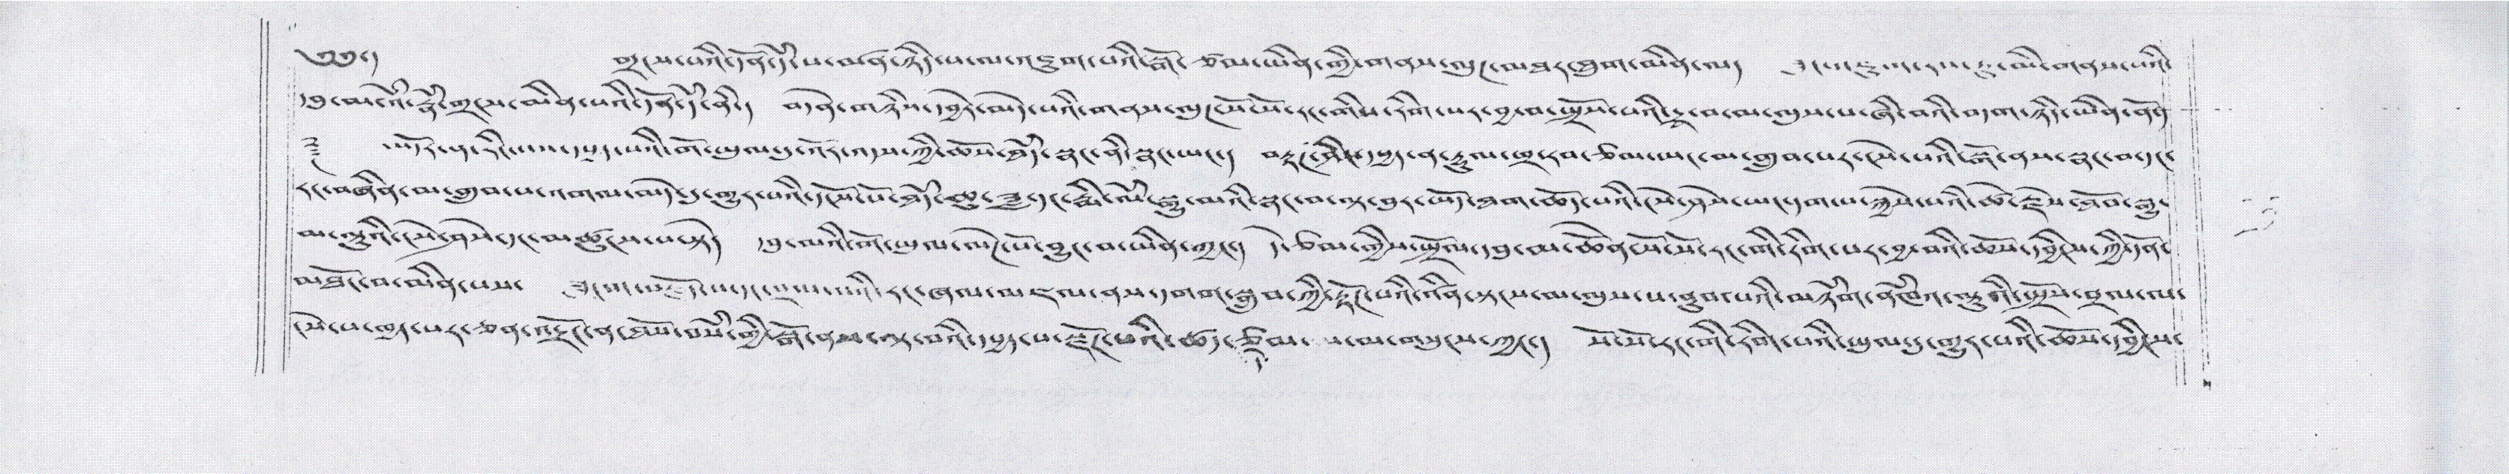གྲངས་པའི་དོན་དམ་པ་མཚན་ཉིད་པ་ལ་འཇུག་པའི་སྒོ་ཙམ་ཡིན་གྱི་གནས་ལུགས་མཐར་ཐུག་མིན་ལ། ཟུང་འཇུག་རབ་ཏུ་མི་གནས་པའི་
དབུ་མའམ་རྣམ་གྲངས་མིན་པའི་དོན་དམ་ནི། བདེན་གཉིས་དབྱེར་མེད་པའི་གནས་ལུགས་སོ་སོ་རང་གིས་རིག་པར་བྱ་བ་སྤྲོས་པའི་དྲྭ་བ་མ་ལུས་པ་ཞི་བའི་བདག་ཉིད་ཡིན་ནོ།། 
༧ མདོར་ན་རིགས་པས་དཔྱད་པའི་གོ་ཡུལ་དུ་འཁོར་འདས་ཀྱི་ཆོས་ཐམས་ཅད་སྣང་ནི་སྣང་ཡང་། བརྟགས་ཤིང་དཔྱད་ན་རྡུལ་ཕྲ་རབ་ཙམ་ཡང་མ་གྲུབ་པར་ངེས་པའི་སྒོ་ནས་སྣང་བ་དང་
རང་བཞིན་གྱིས་མ་གྲུབ་པ་འགལ་མེད་དུ་གྱུར་པའི་དངོས་པོ་ཐམས་ཅད་ཆུ་ཟླ་དང་རྨི་ལམ་སྒྱུ་མའི་སྣང་བ་ལྟ་བུར་ཡོད་ཐག་ཆོད་པའི་ངེས་ཤེས་ཡང་དག་པ་སྐྱེས་པའི་ཚེ་རྗེས་ཐོབ་སྒྱུ་
མ་ལྟ་བུའི་ངེས་ཤེས་དང་མཚུངས་པ་སྟེ། དབུ་མའི་གོ་ཡུལ་ལེགས་པོ་བྱུང་བ་ཡིན་ཀྱང་། དེ་ཙམ་གྱིས་སྤྲོས་བྲལ་དབུ་མ་ཆེན་པོ་སོ་སོ་རང་གིས་རིག་པར་བྱ་བའི་ཆོས་དབྱིངས་ཀྱི་དོན་
མཐོང་བ་མིན་པས། ཟུང་འཇུག་བརྗོད་པ་དང་བྲལ་བའི་རང་ཞལ་མཇལ་ནས་དགག་སྒྲུབ་ཀྱི་རྟོགས་པའི་འཛིན་སྟངས་མ་ལུས་པ་ནུབ་པའི་མཉམ་གཞག་ནམ་མཁའ་ལྟ་བུའི་སྤྲོས་བྲལ་ལ་
ངེས་པ་ཁྱད་པར་ཅན་འདྲོངས་ན་ཐོས་བསམ་གྱི་སྒོ་ནས་ལྟ་བའི་དཔྱད་པ་རྫོགས་པའི་ཚད་དེ་ཙམ་ལ་གསུངས་ཀྱང་། སོ་སོ་རང་གི་རིག་པའི་ཡུལ་དུ་གྱུར་པའི་ཆོས་དབྱིངས་